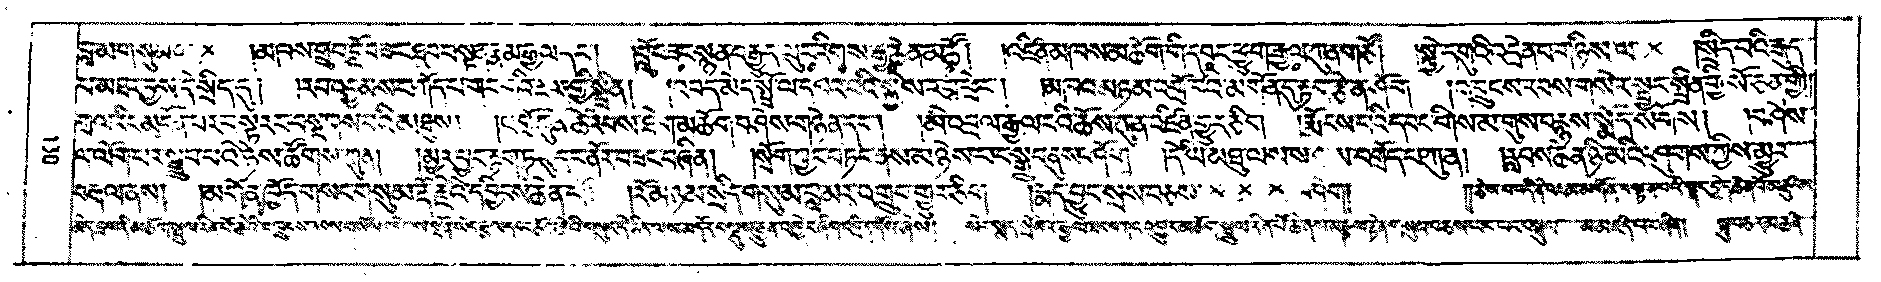བླ་མ་གསུམ་ལ་྾་།མཁས་གྲུབ་བློ་བཟང་ཐུབ་བསྟན་རྣམ་རྒྱལ་དང་། །བློ྾་བཟང྾་སྙན་བརྒྱུད་ལུང྾་རིགས྾་རྒྱ་ཆེན་མཚོ྾། །འཛིན་མཁས་མཆོག་གི་དབང྾་ཕྱུག་རྒྱལ྾་ཀུན་གཙོ། །སྐྱེ་དགུའི་འདྲེན་པ་གཉིས་ལ་྾་།སྲིད་པའི་རྒུད་
པ་མཐར་བྱས་དེ་སྲིད་དུ། །རབ་འབྱམས་བཀོད་པ་གང་གའི་རྡུལ་གྱི་སྤྲིན། །འབད་མེད་སྤྲོ་ལ་དཔའ་བའི་སྐྱེས་རབས་ཕྲེང་། །མཁའ་མཉམ་འགྲོ་བའི་མགོན་དུ་རྟག་རྩེན་ཤོག །འཁྲུངས་རབས་གསེར་སྦྱང་སྤྲིན་གྱི་སོ་ཅན་གྱི།
གྲལ་རིང་མངོན་པར་བསྟར་བ་བསྔགས་པའི་མཐུས། །འགྲོ་ཀུན་ཚེ་རབས་ཐེག་མཆོག་བཤེས་གཉེན་དང་། །མི་འབྲལ་རྒྱལ་བའི་ཆོས་ཀུན་འཛིན་གྱུར་ཅིག །རྨོངས་པའི་དབང་གིས་མ་གུས་བརྙས་སྨོད་སོགས། །བཤེས་
ལ་ལོག་པར་སྒྲུབ་པའི་ཉེས་ཚོགས་ཀུན། །མྱུར་བྱང་རྟག་ཏུ་དུ་དང་ནོར་བཟང་བཞིན། །སྲོག་ཀྱང་བཏང་ནས་མཉེས་པ་བསྒྲུབ་ནུས་ཤོག །དེ་ཡི་མཐུ་ལས་ས་ལམ་བགྲོད་པ་ཀུན། །རླབས་ཆེན་ཉི་མའི་ཤུགས་ཀྱིས་མྱུར་
བརྒལ་ནས། །མགོན་ཁྱོད་གསང་གསུམ་རྡོ་རྗེའི་དབྱིངས་ཆེན་པོ། །རོ་མཉམ་སྲིད་གསུམ་བླ་མར་འགྲུབ་གྱུར་ཅིག །རྨད་བྱུང་སྲས་བཅས་྾་྾་྾་ཤོག ། །།ཅེས་པ་འདི་ནི་འཇམ་མགོན་བསྟན་པའི་སྣང་བྱེད་ཆེན་པོ་མཚུངས་
མེད་བྲག་རི་མཆོག་སྤྲུལ་རིན་པོ་ཆེའི་འཁྲུངས་རབས་གསོལ་འདེབས་སྔོན་ཡོད་རྒྱལ་དབང་ཆོས་རྗེའི་གསུང་དེ་ཉིད་ལས་མདོར་བསྡུས་རྒྱུན་འཁྱེར་ཞིག་འབྲི་དགོས་ཞེས། སེར་སྨད་སྤོམ་ར་རྒྱལ་ཐང་བཀའ་འགྱུར་མཆོག་སྤྲུལ་རིན་པོ་ཆེ་ནས་མཎྜལ་རྟེན་གསུམ་བཅས་ཡང་ཡང་བསྐུལ་མ་མཛད་པ་བཞིན། སྐུ་བཅར་མཚན་